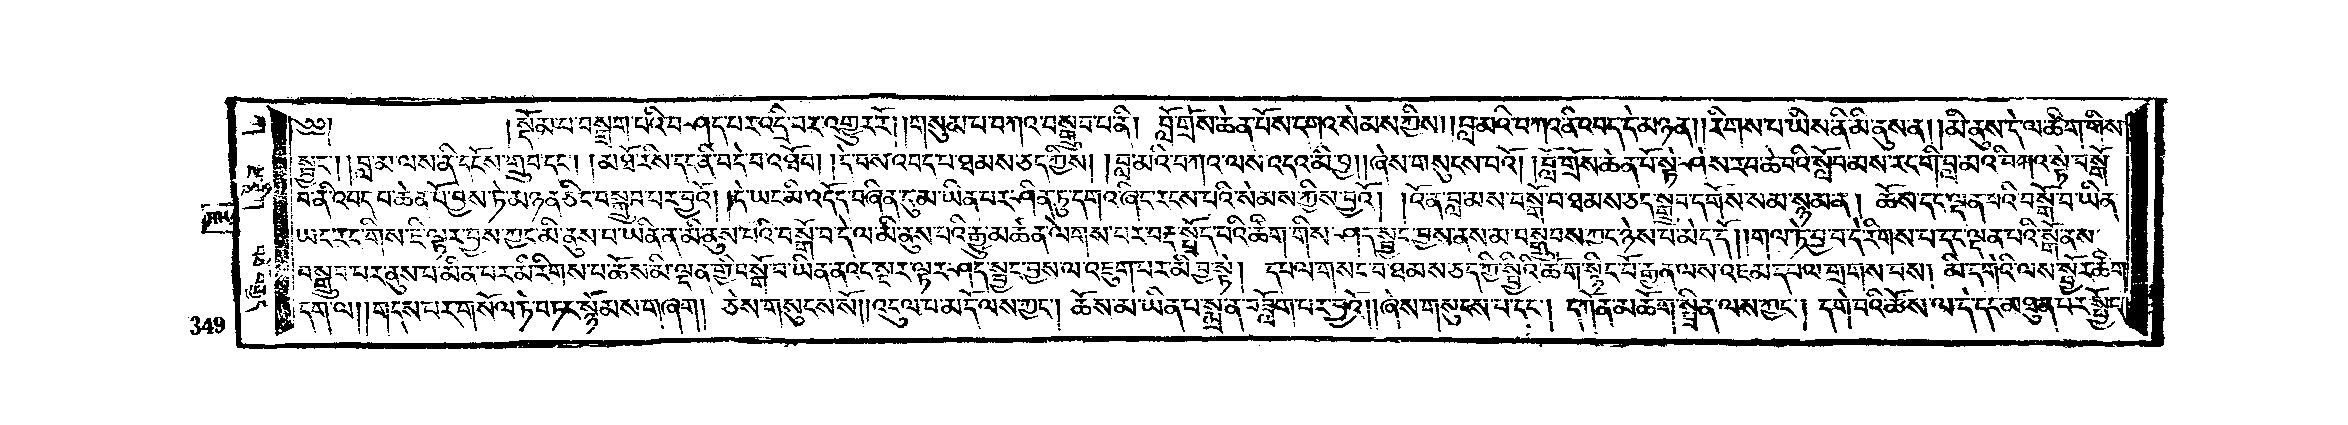༄༅། །སྡོམ་པ་བསྒྲག་པའི་བཤད་པར་འདྲི་བར་འགྱུར་རོ། །གསུམ་པ་བཀའ་བསྒྲུབ་པ་ནི། བློ་གྲོས་ཆེན་པོས་དགའ་སེམས་ཀྱིས། །བླ་མའི་བཀའ་ནི་འབད་དེ་མཉན། །རིགས་པ་ཡིས་ནི་མི་ནུས་ན། །མི་ནུས་དེ་ལ་ཚིག་གིས་
སྦྱང་། །བླ་མ་ལས་ནི་དངོས་གྲུབ་དང་། །མཐོ་རིས་དང་ནི་བདེ་བ་འཐོབ། །དེ་བས་འབད་པ་ཐམས་ཅད་ཀྱིས། །བླ་མའི་བཀའ་ལས་འདའ་མི་བྱ། །ཞེས་གསུངས་པའོ། །བློ་གྲོས་ཆེན་པོ་སྟེ་ཤེས་རབ་ཆེ་བའི་སློབ་མས་རང་གི་བླ་མའི་བཀའ་སྟེ་བསྒོ་
བ་ནི་འབད་པ་ཆེན་པོ་བྱས་ཏེ་མཉན་ཅིང་བསྒྲུབ་པར་བྱའོ། །དེ་ཡང་མི་འདོད་བཞིན་དུ་མ་ཡིན་པར་ཤིན་ཏུ་དགའ་ཞིང་རངས་པའི་སེམས་ཀྱིས་བྱའོ། །འོ་ན་བླ་མས་བསྒོ་བ་ཐམས་ཅད་སྒྲུབ་དགོས་སམ་སྙམ་ན། ཆོས་དང་ལྡན་པའི་བསྒོ་བ་ཡིན་
ཡང་རང་གིས་ཇི་ལྟར་བྱས་ཀྱང་མི་ནུས་པ་ཡིན་ན་མི་ནུས་པའི་བསྒོ་བ་དེ་ལ་མི་ནུས་པའི་རྒྱུ་མཚན་ལེགས་པར་བརྡ་སྤྲོད་པའི་ཚིག་གིས་ཤད་སྦྱང་བྱས་ནས་མ་བསྒྲུབས་ཀྱང་ཉེས་པ་མེད་དོ། །གལ་ཏེ་བྱ་བ་དེ་རིགས་པ་དང་ལྡན་པའི་སྒོ་ནས་
བསྒྲུབ་པར་ནུས་པ་མིན་པར་མི་རིགས་པ་ཆོས་མི་ལྡན་གྱི་བསྒོ་བ་ཡིན་ནའང་སྔར་ལྟར་ཤད་སྦྱང་བྱས་ལ་འཇུག་པར་མི་བྱ་སྟེ། དཔལ་གསང་བ་ཐམས་ཅད་ཀྱི་སྤྱིའི་ཆོ་ག་སྙིང་པོ་རྒྱན་ལས་འཇམ་དཔལ་གྲགས་པས། མི་དགེའི་ལས་སྦྱོར་ཚིག་
དག་ལ། །གདས་པར་གསོལ་ཏེ་བཏང་སྙོམས་གཞག །ཅེས་གསུངས་སོ། །འདུལ་བ་མདོ་ལས་ཀྱང་། ཆོས་མ་ཡིན་པ་སྨྲ་ན་བཟློག་པར་བྱའོ། །ཞེས་གསུངས་པ་དང་། དཀོན་མཆོག་སྤྲིན་ལས་ཀྱང་། དགེ་བའི་ཆོས་ལ་དེ་དང་མཐུན་པར་སྤྱོད་